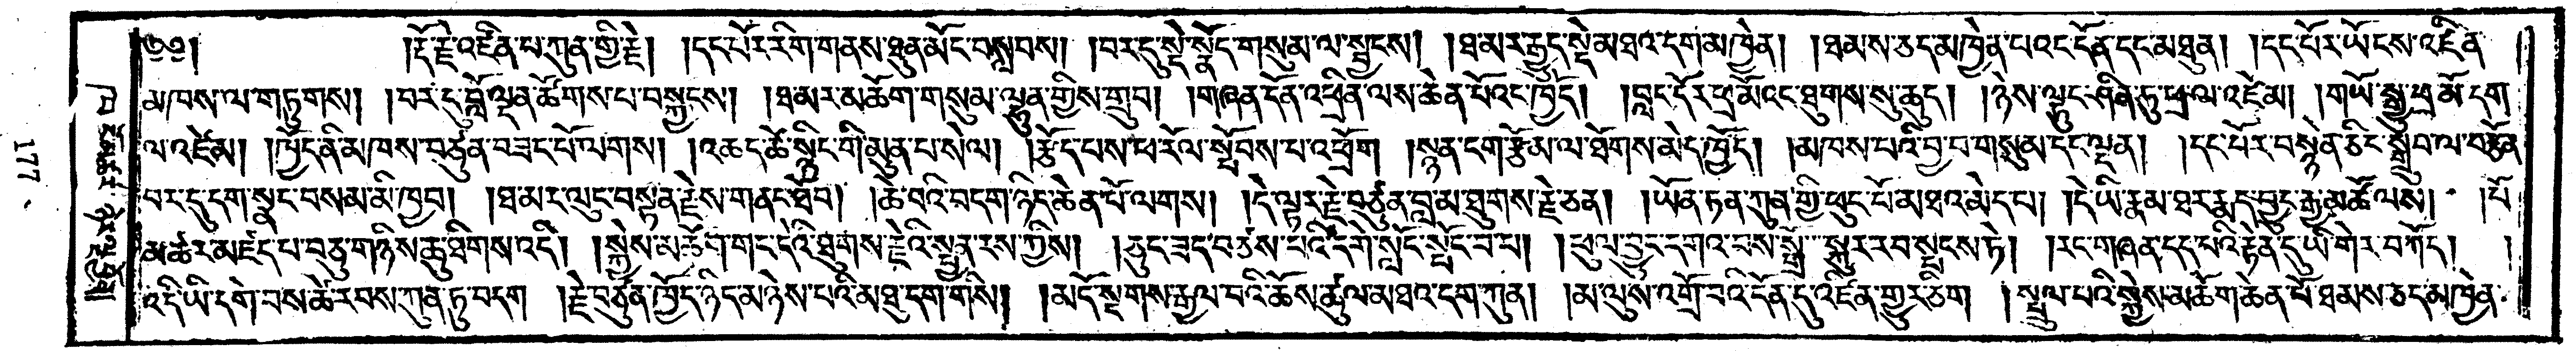༄༅། །རྡོ་རྗེ་འཛིན་པ་ཀུན་གྱི་རྗེ། །དང་པོར་རིག་གནས་ཐུན་མོང་བསླབས། །བར་དུ་སྡེ་སྣོད་གསུམ་ལ་སྦྱངས། །ཐ་མར་རྒྱུད་སྡེ་མཐའ་དག་མཁྱེན། །ཐམས་ཅད་མཁྱེན་པའང་དོན་དང་མཐུན། །དང་པོར་ཡོངས་འཛིན་།
མཁས་ལ་གཏུགས། །བར་དུ་བློ་ལྡན་ཚོགས་པ་སྐྱངས། །ཐ་མར་མཆོག་གསུམ་ལྷུན་གྱིས་གྲུབ། །གཞན་དོན་འཕྲིན་ལས་ཆེན་པོའང་ཁྱོད། །བླང་དོར་ཕྲ་མོའང་ཐུགས་སུ་ཆུད། །ཉེས་ལྟུང་ཤིན་ཏུ་ཕྲ་ལ་འཛེམ། །གཡོ་སྒྱུ་ཕྲ་མོ་དག་
ལ་འཛེམ། །ཁྱོད་ནི་མཁས་བཙུན་བཟང་པོ་ལགས། །འཆད་ཚེ་སྙིང་གི་མུན་པ་སེལ། །རྩོད་པས་ཕ་རོལ་སྤོབས་པ་འཕྲོག །སྙན་ངག་རྩོམ་ལ་ཐོགས་མེད་ཁྱོད། །མཁས་པའི་བྱ་བ་གསུམ་དང་ལྡན། །དང་པོར་བསྙེན་ཅིང་སྒྲུབ་ལ་བརྩོན་
བར་དུ་དག་སྣང་བསམ་མི་ཁྱབ། །ཐ་མར་ལུང་བསྟན་རྗེས་གནང་ཐོབ། །ཆེ་བའི་བདག་ཉིད་ཆེན་པོ་ལགས། །དེ་ལྟར་རྗེ་བཙུན་བླ་མ་ཐུགས་རྗེ་ཅན། །ཡོན་ཏན་ཀུན་གྱི་ཕུང་པོ་མཐའ་མེད་བ། །དེ་ཡི་རྣམ་ཐར་རྨད་བྱུང་རྒྱ་མཚོ་ལས། །པོ་
མཚར་མཛད་པ་བཅུ་གཉིས་ཆུ་ཐིགས་འདི། །སྐྱེས་མཆོག་གང་དེའི་ཐུགས་རྗེའི་སྤྱན་རས་ཀྱིས། །ཅུང་ཟད་བཙས་པའི་དགེ་སློང་སྤོང་བ་པ། །ཕུལ་བྱུང་དགའ་བས་སྒྲོ་སྐུར་རབ་སྤངས་ཏེ། །རང་གཞན་དད་པའི་རྟེན་དུ་ཡི་གེར་བཀོད། །
འདི་ཡི་དགེ་བས་ཚེ་རབས་ཀུན་ཏུ་བདག །རྗེ་བཙོན་ཁྱོད་ཉིད་མཉེས་པའི་མཐུ་དག་གིས། །མདོ་སྔགས་རྒྱལ་བའི་ཆོས་ཚུལ་མཐའ་དག་ཀུན། །མ་ལུས་འགྲོ་བའི་དོན་དུ་འཛིན་གྱུར་ཅིག །སྤྲུལ་པའི་སྐྱེས་མཆོག་ཆེན་པོ་ཐམས་ཅད་མཁྱེན་